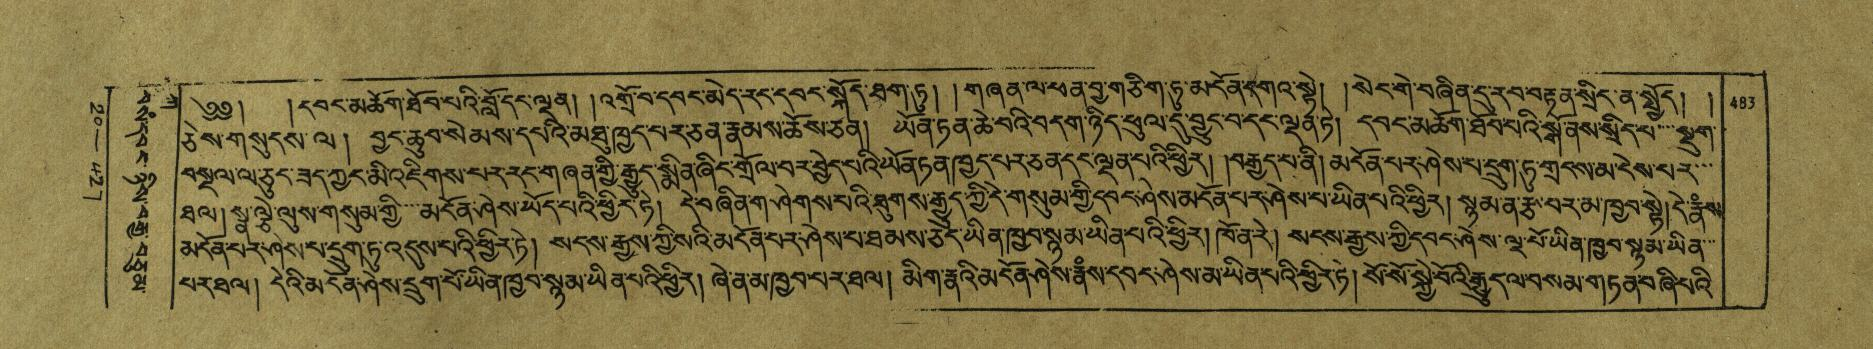༄༅། །དབང་མཆོག་ཐོབ་པའི་བློ་དང་ལྡན། །འགྲོ་བ་དབང་མེད་རང་དབང་སྐོད་ཐག་ཏུ། །གཞན་ལ་ཕན་བྱ་གཅིག་ཏུ་མངོན་དགའ་སྟེ། །སེང་གེ་བཞིན་དུ་རབ་བརྟན་སྲིད་ན་སྤྱོད། །
ཅེས་གསུངས་ལ། བྱང་ཆུབ་སེམས་དཔའི་མཐུ་ཁྱད་པར་ཅན་རྣམས་ཆོས་ཅན། ཡོན་ཏན་ཆེ་བའི་བདག་ཉིད་ཕུལ་དུ་བྱུང་བ་དང་ལྡན་ཏེ། དབང་མཆོག་ཐོབ་པའི་སྒོ་ནས་སྲིད་པ་སྡུག་
བསྔལ་ལ་ཅུང་ཟད་ཀྱང་མི་འཇིགས་པར་རང་གཞན་གྱི་རྒྱུད་སྨིན་ཞིང་གྲོལ་བར་བྱེད་པའི་ཡོན་ཏན་ཁྱད་པར་ཅན་དང་ལྡན་པའི་ཕྱིར། །བརྒྱད་པ་ནི། མངོན་པར་ཤེས་པ་དྲུག་ཏུ་གྲངས་མ་ངེས་པར་
ཐལ། སྣ་ལྕེ་ལུས་གསུམ་གྱི་མངོན་ཤེས་ཡོད་པའི་ཕྱིར་ཏེ། དེ་བཞིན་གཤེགས་པའི་ཐུགས་རྒྱུད་ཀྱི་དེ་གསུམ་གྱི་དབང་ཤེས་མངོན་པར་ཤེས་པ་ཡིན་པའི་ཕྱིར། སྙམ་ན་རྩ་བར་མ་ཁྱབ་སྟེ། དེ་རྣཾས་
མངོན་པར་ཤེས་པ་དྲུག་ཏུ་འདུས་པའི་ཕྱིར་ཏེ། སངས་རྒྱས་ཀྱི་སའི་མངོན་པར་ཤེས་པ་ཐམས་ཅད་ཡིན་ཁྱབ་སྙམ་ཡིན་པའི་ཕྱིར། ཁོ་ན་རེ། སངས་རྒྱས་ཀྱི་དབང་ཤེས་ལྔ་པོ་ཡིན་ཁྱབ་སྙམ་ཡིན་
པར་ཐལ། དེའི་མངོན་ཤེས་དྲུག་པོ་ཡིན་ཁྱབ་སྙམ་ཡིན་པའི་ཕྱིར། ཞེ་ན་མ་ཁྱབ་པར་ཐལ། མིག་རྣའི་མངོན་ཤེས་རྣཾས་དབང་ཤེས་མ་ཡིན་པའི་ཕྱིར་ཏེ། སོ་སོ་སྐྱེ་བོའི་རྒྱུད་ལ་བསམ་གཏན་བཞི་པའི་